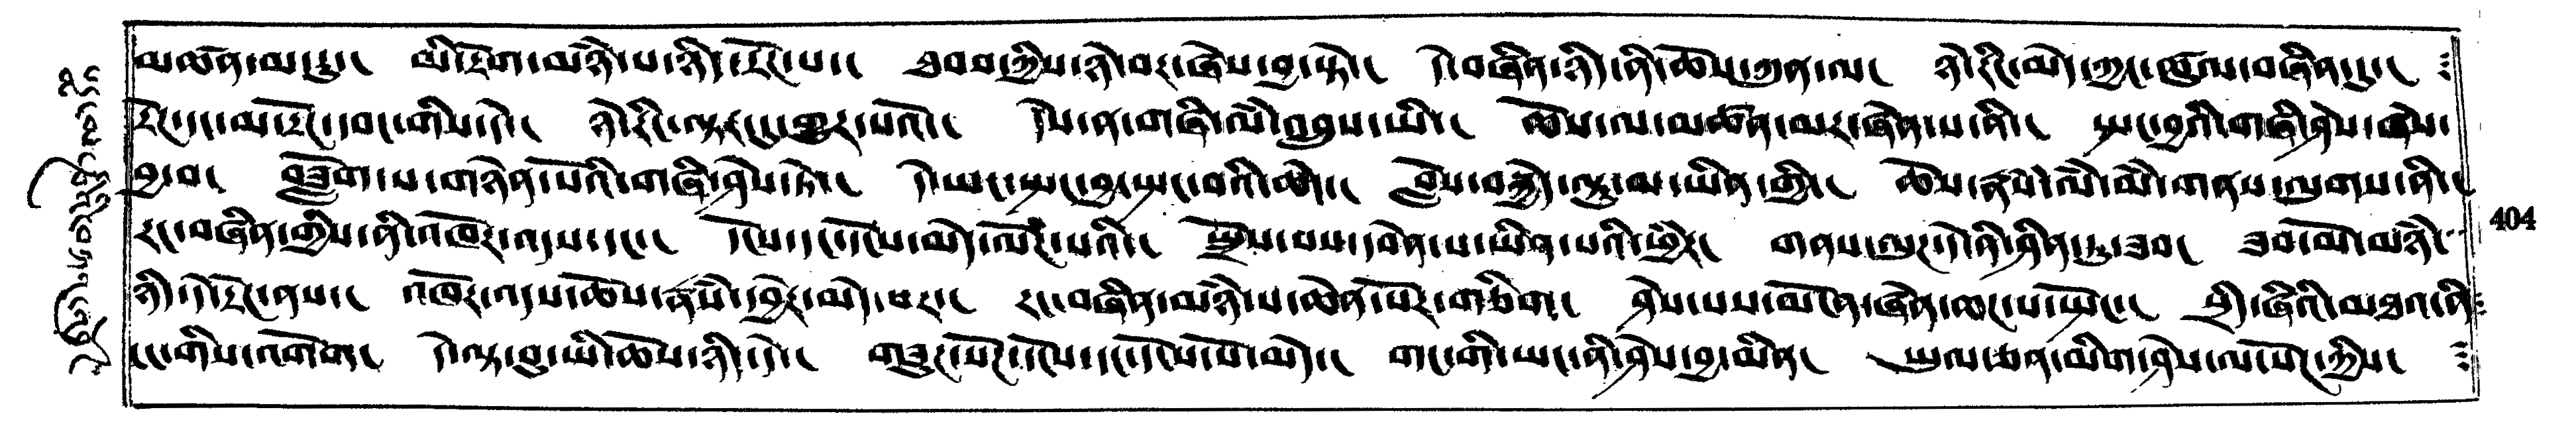མཚན་མ་རུ། །མི་རྟོག་མཉམ་པ་ཉིད་རྟོགས་པ། །ཐབས་ཀྱིས་ཉེ་བར་ཞེས་བྱ་སྟེ། །དེ་བཞིན་ཉིད་ནི་ཆོས་ཀུན་ལ། །ཉེ་རིང་མེད་ཀྱང་ཚུལ་བཞིན་དུ། །
རྟོགས་དང་མ་རྟོགས་དབང་གིས་དེ། །ཉེ་རིང་ལྟར་དུ་གྱུར་པའོ། །དེས་ན་གཞི་ལམ་འབྲས་བུ་ཡི། །ཆོས་ལ་མཚན་མར་ཞེན་པ་ནི། །སྤང་བྱའི་གཞི་ཤེས་ཞེས་
བྱ་བ། །བཟློག་པ་གཉེན་པོའི་གཞི་ཤེས་ཏེ། །དེ་ཡང་སྤང་བྱ་སྤང་བའི་ཆེད། །བློས་བསྐྱེད་ལྟ་བུ་མ་ཡིན་གྱི། །ཆོས་རྣམས་ལམ་མམ་གནས་ལུགས་ནི། །
རང་བཞིན་གྱིས་ནི་འཁོར་འདས་དང་། །དངོས་དང་དངོས་མེད་ལ་སོགས་པའི། །སྤྲོས་པས་དབེན་པ་ཡིན་པའི་ཕྱིར། །གནས་ལུགས་དེ་ནི་ཤིན་ཏུ་ཟབ། །ཟབ་མོ་མཉམ་
ཉིད་དེ་རྟོགས་ནས། །འཁོར་འདས་ཆོས་རྣམས་དབྱེར་མེད་པར། །རང་བཞིན་མཉམ་པ་ཆེན་པོར་གཅིག།ཤེས་པས་མངོན་ཞེན་ཆགས་པ་སྤོང་། །སྲིད་ཞིའི་མཐའ་ནི་
ངང་གིས་འགོག །དེ་ལྟ་བུ་ཡི་ཆོས་ཉིད་དེ། །གཟུགས་སོགས་དངོས་དང་དངོས་པོ་མེད། །གང་གི་ཡང་ནི་ཤེས་བྱ་མིན། །ཡུལ་ཅན་མིག་ཤེས་ལ་སོགས་ཀྱིས།